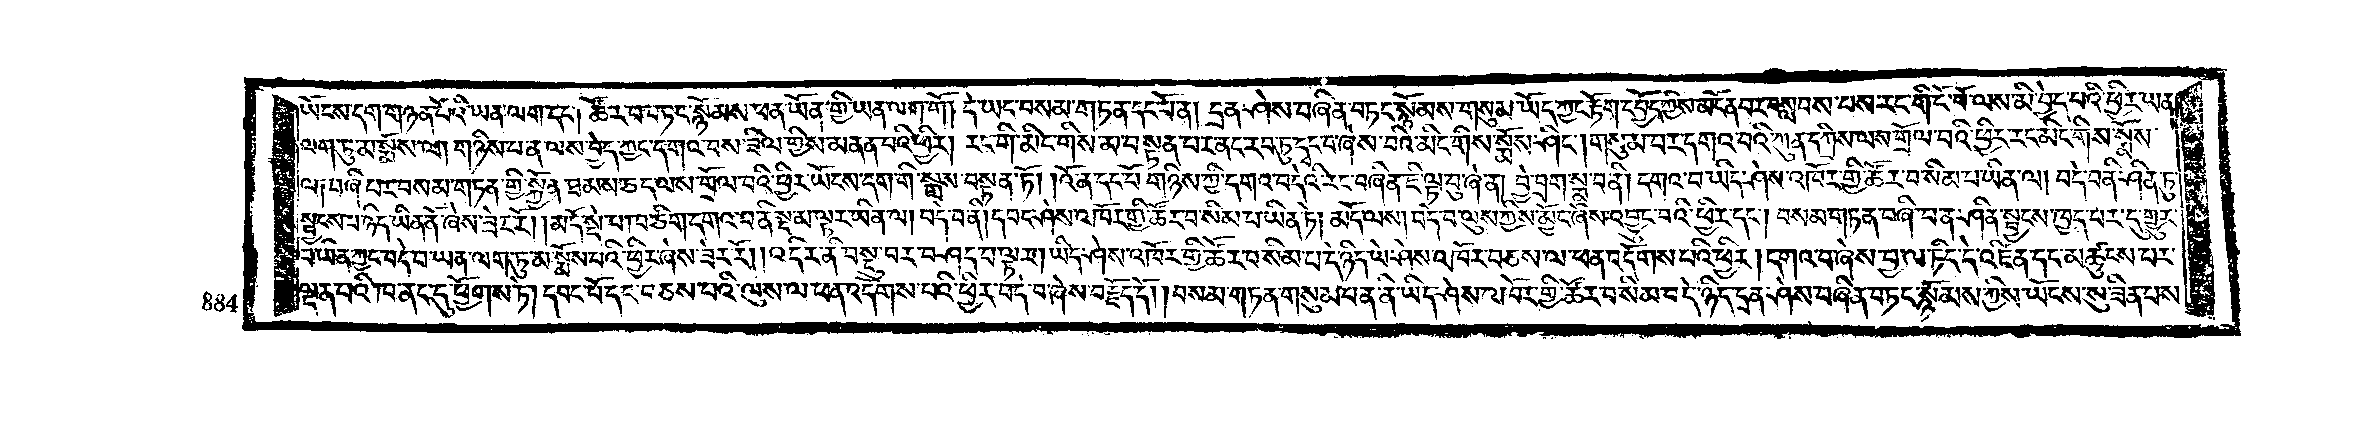ཡོངས་དག་གཉན་པོའི་ཡན་ལག་དང་། ཚོར་བ་བཏང་སྙོམས་ཕན་ཡོན་གྱི་ཡན་ལག་གོ །དེ་ཡང་བསམ་གཏན་དང་པོ་ན། དྲན་ཤེས་བཞིན་བཏང་སྙོམས་གསུམ་ཡོད་ཀྱང་རྟོག་དཔྱོད་ཀྱིས་མངོན་པར་བསླབས་པས་རང་གི་ངོ་བོ་ལས་མི་བྱེད་པའི་ཕྱིར་ཡན་
ལག་ཏུ་མ་སྨོས་ལ། གཉིས་པ་ན་ལས་བྱེད་ཀྱང་དགའ་བས་ཟིལ་གྱིས་མནན་པའི་ཕྱིར། རང་གི་མིང་གིས་མ་བསྟན་པར་ནང་རབ་ཏུ་དྭང་བ་ཞེས་པའི་མིང་གིས་སྨོས་ཤིང་། གསུམ་པར་དགའ་བའི་ཀུན་དཀྲིས་ལས་གྲོལ་བའི་ཕྱིར་རང་མིང་གིས་སྨོས་
ལ༑ བཞི་བར་བསམ་གཏན་གྱི་སྐྱོན་ཐམས་ཅད་ལས་གྲོལ་བའི་ཕྱིར་ཡོངས་དག་གི་སྒྲས་བསྟན་ཏོ། །འོ་ན་དང་པོ་གཉིས་ཀྱི་དགའ་བ་དེའི་རང་བཞིན་ཇི་ལྟ་བུ་ཞེ་ན། བྱེ་བྲག་སྨྲ་བ་ནི། དགའ་བ་ཡིད་ཤེས་འཁོར་གྱི་ཚོར་བ་སིམ་པ་ཡིན་ལ། བདེ་བ་ནི་ཤིན་ཏུ་
སྦྱངས་པ་ཉིད་ཡིན་ནོ་ཞེས་ཟེར་རོ། །མདོ་སྡེ་པ་ཁ་ཅིག་དགའ་བ་ནི་སྔ་མ་ལྟར་ཡིན་ལ། བདེ་བ་ནི། དབང་ཤེས་འཁོར་གྱི་ཚུལ་བ་སིམ་པ་ཡིན་ཏེ། མདོ་ལས། བདེ་བ་ལུས་ཀྱིས་མྱོང་ཞེས་འབྱུང་བའི་འབྱུང་བའི་ཕྱིར་དང་། བསམ་གཏན་བཞི་བ་ན་ཤིན་སྦྱངས་ཁྱད་པར་དུ་གྱུར་
བ་ཡིན་ཀྱང་བདེ་བ་ཡན་ལག་ཏུ་མ་སྨོས་པའི་ཕྱིར་ཞེས་ཟེར་རོ། །འདིར་ནི་བསྡུ་བར་བཤད་པ་ལྟར། ཡིད་ཤེས་འཁོར་གྱི་ཚོར་བ་སིམ་པ་དེ་ཉིད་ཡེ་ཤེས་འཁོར་བཅས་ལ་ཕན་འདོགས་པའི་ཕྱིར། དགའ་བ་ཞེས་བྱ་ལ་ཏིང་ངེ་འཛིན་དང་མཚུངས་པར་
ལྡན་པའི་ཁ་ནང་དུ་ཕྱོགས་ཏེ། དབང་པོ་དང་བཅས་པའི་ལུས་ལ་ཕན་འདོགས་པའི་ཕྱིར་བདེ་བ་ཞེས་བརྗོད་དོ། །བསམ་གཏན་གསུམ་པ་ན་ནི་ཡིད་ཤེས་འཁོར་གྱི་ཚོར་བ་སིམ་པ་དེ་ཉིད་དྲན་ཤེས་བཞིན་བཏང་སྙོམས་ཀྱིས་ཡོངས་སུ་ཟིན་པས་